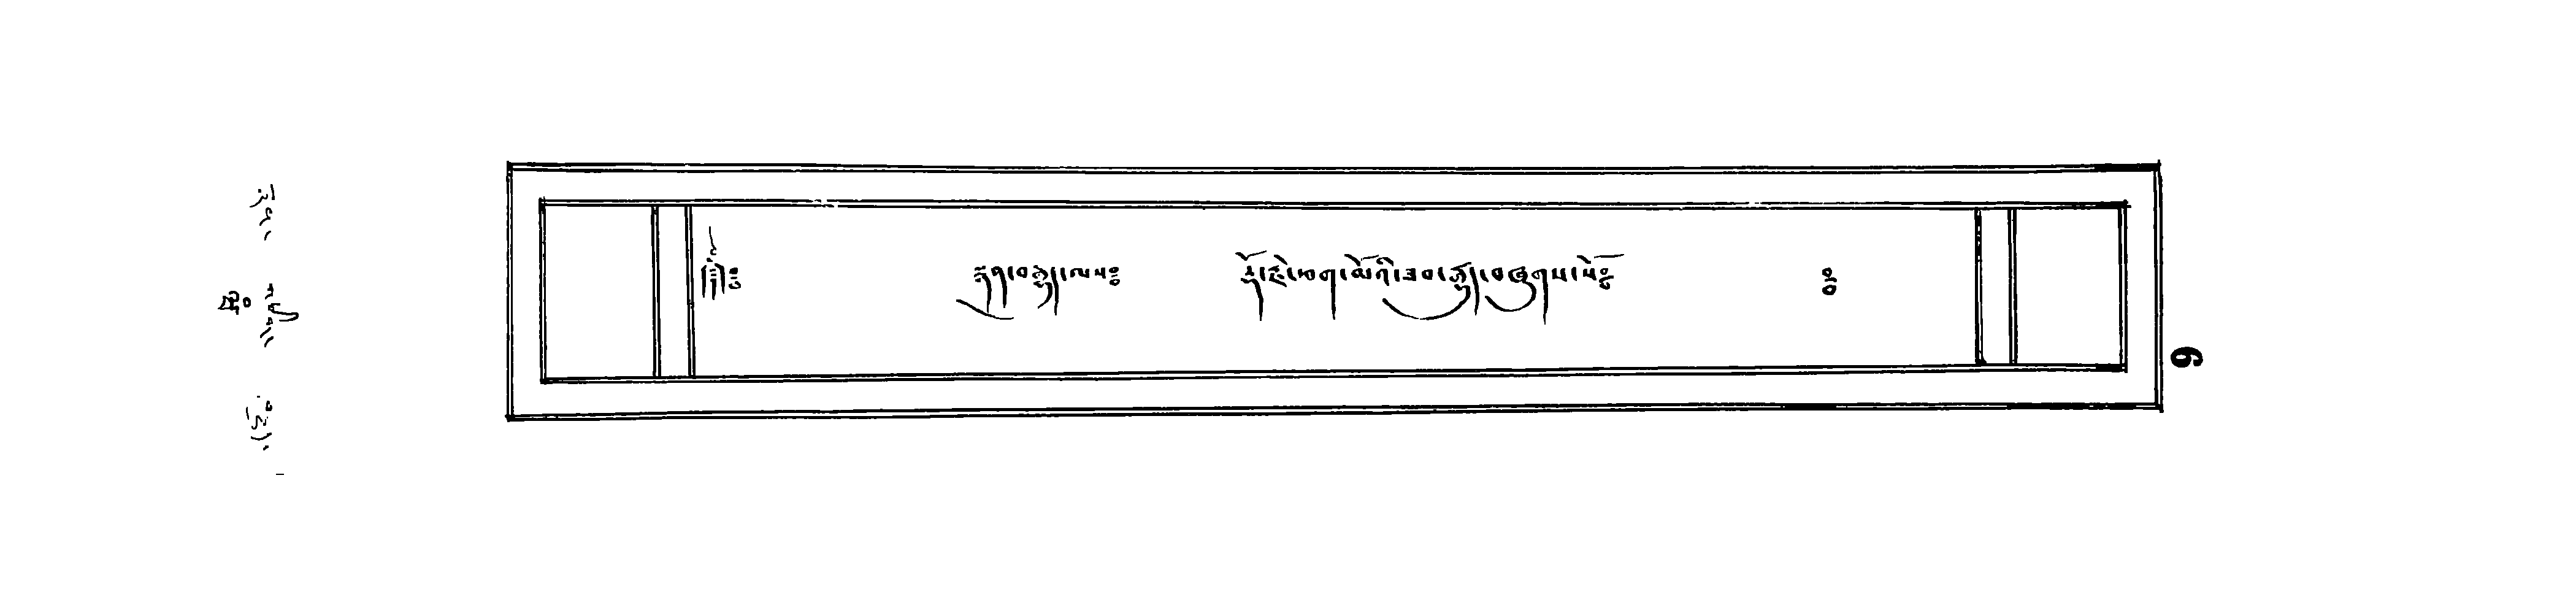སྙན་བརྒྱུད་ལས༔ རྡོ་རྗེ་ཕག་མོའི་ཟབ་བརྒྱུད་བཞུགས་སོ༔